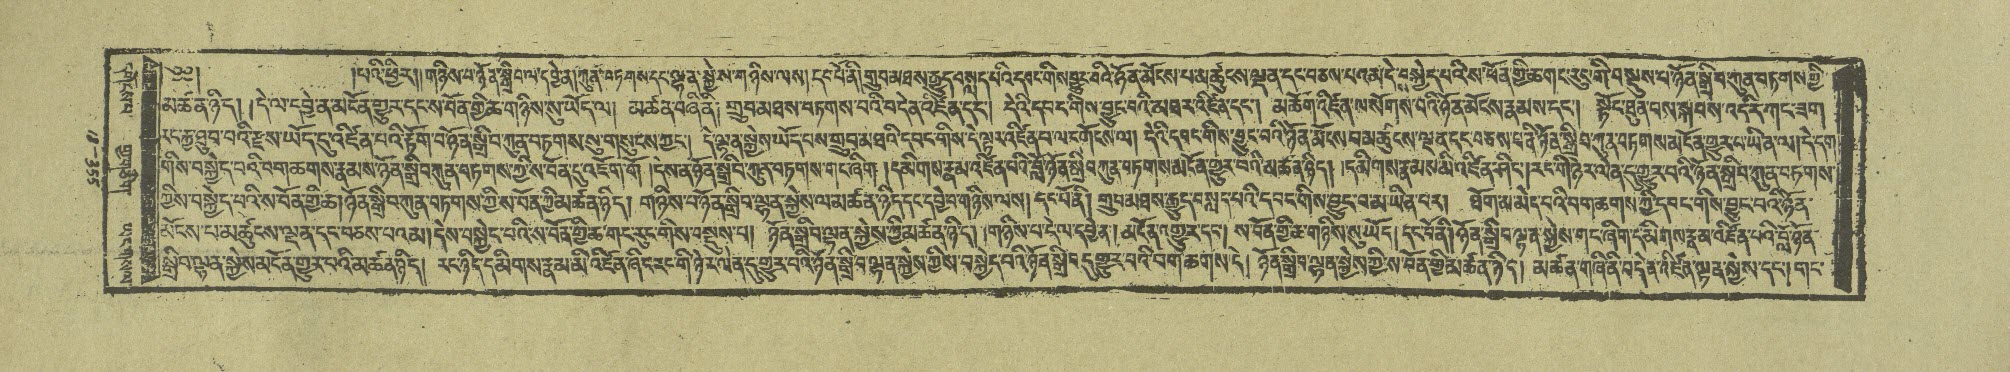༄༅། །པའི་ཕྱིར། གཉིས་པ་ཉོན་སྒྲིབ་ལ་དབྱེ་ན། ཀུན་བཏགས་དང་ལྷན་སྐྱེས་གཉིས་ལས། དང་པོ་ནི། གྲུབ་མཐས་རྒྱུད་བསླད་པའི་དབང་གིས་བྱུང་བའི་ཉོན་མོངས་པ་མཚུངས་ལྡན་དང་བཅས་པའམ་དེ་བསྐྱེད་པའི་ས་བོན་གྱི་ཆ་གང་རུང་གི་བསྡུས་པ་ཉོན་སྒྲིབ་ཀུན་བཏགས་ཀྱི་
མཚན་ཉིད། དེ་ལ་དབྱེ་ན་མངོན་གྱུར་དང་ས་བོན་གྱི་ཆ་གཉིས་སུ་ཡོད་ལ། མཚན་པ་ནི་ནི། གྲུབ་མཐས་བཏགས་པའི་བདེན་འཛིན་དང་། དེའི་དབང་གིས་བྱུང་བའི་མཐར་འཛིན་དང་། མཆོག་འཛིན་ལ་སོགས་པའི་ཉོན་མོངས་རྣམས་དང་། སྟོང་ཐུན་པས་སྐབས་འདིར་གང་ཟག་
རང་རྐྱ་ཐུབ་པའི་རྫས་ཡོད་དུ་འཛིན་པའི་རྟོག་པ་ཉོན་སྒྲིབ་ཀུན་བཏགས་སུ་གསུངས་ཀྱང་། དེ་ལྷན་སྐྱེས་ཡོད་པས་གྲུབ་མཐའི་དབང་གིས་དེ་ལྟར་འཛིན་པ་ལ་དགོངས་ལ། དེའི་དབང་གིས་བྱུང་བའི་ཉོན་མོངས་པ་མཚུངས་ལྡན་དང་བཅས་པ་ནི་ཉོན་སྒྲིབ་ཀུན་བཏགས་མངོན་གྱུར་པ་ཡིན་ལ། དེ་དག་
གིས་བསྐྱེད་པའི་བག་ཆགས་རྣམས་ཉོན་སྒྲིབ་ཀུན་བཏགས་ཀྱི་ས་བོན་དུ་འཇོག་གོ། །དེས་ན་ཉོན་སྒྲིབ་ཀུན་བཏགས་གང་ཞིག །དམིགས་རྣམས་འཛིན་པའི་བློ་ཉོན་སྒྲིབ་ཀུན་བཏགས་མངོན་གྱུར་བའི་མཚན་ཉིད། དམིགས་རྣམས་མི་འཛིན་ཤིང་། རང་གི་ཉེར་ལེན་དུ་གྱུར་པའི་ཉོན་སྒྲིབ་ཀུན་བཏགས་
ཀྱིས་བསྐྱེད་པའི་ས་བོན་གྱི་ཆ། ཉོན་སྒྲིབ་ཀུན་བཏགས་ཀྱི་ས་བོན་གྱི་མཚན་ཉིད། །གཉིས་པ་ཉོན་སྒྲིབ་ལྷན་སྐྱེས་ལ་མཚན་ཉིད་དང་དབྱེ་བ་གཉིས་ལས། དང་པོ་ནི། གྲུབ་མཐས་རྒྱུད་བསླད་པའི་དབང་གིས་བྱུང་བ་མ་ཡིན་པར། ཐོག་མ་མེད་པའི་བག་ཆགས་ཀྱི་དབང་གིས་བྱུང་བའི་ཉོན་
མོངས་པ་མཚུངས་ལྡན་དང་བཅས་པའམ། དེས་བསྐྱེད་པའི་ས་བོན་གྱི་ཆ་གང་རུང་གིས་བསྡུས་པ། ཉོན་སྒྲིབ་ལྷན་སྐྱེས་ཀྱི་མཚན་ཉིད། གཉིས་པ་དེ་ལ་དབྱེ་ན། མངོན་འགྱུར་དང་། ས་བོན་གྱི་ཆ་གཉིས་སུ་ཡོད། དང་པོ་ནི། ཉོན་སྒྲིབ་ལྷན་སྐྱེས་གང་ཞིག་དམིགས་རྣམས་འཛིན་པའི་བློ་ཉོན་
སྒྲིབ་ལྷན་སྐྱེས་མངོན་གྱུར་པའི་མཚན་ཉིད། རང་ཉིད་དམིགས་རྣམ་མི་འཛིན་ཞིང་རང་གི་ཉེར་ལེན་དུ་གྱུར་པའི་ཉོན་སྒྲིབ་ལྷན་སྐྱེས་ཀྱིས་བསྐྱེད་པའི་ཉོན་སྒྲིབ་དུ་གྱུར་པའི་བག་ཆགས་དེ། ཉོན་སྒྲིབ་ལྷན་སྐྱེས་ཀྱི་ས་བོན་གྱི་མཚན་ཉིད། མཚན་གཞི་ནི་བདེན་འཛིན་ལྷན་སྐྱེས་དང་། གང་